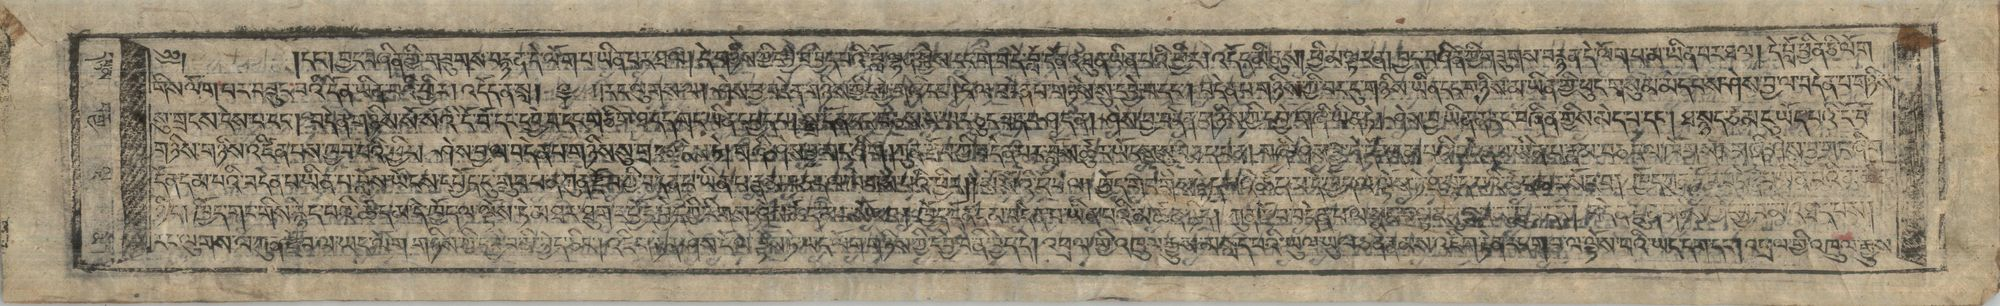༄༅། །དང་། བྱང་བཞིན་གྱི་གཟུགས་བརྙན་དེ་ལོག་པ་ཡིན་པར་ཐལ། དེ་གཉིས་ཀྱི་དབྱེ་བ་བྱེད་པའི་བློ་ལྷན་སྐྱེས་རང་ག་བ་དེ་བློ་དོན་འཐུཉིན་པའི་ཕྱིར། འདོད་མི་ནུས། ཕྱི་མ་ལྟར་ན། བྱད་བཞིན་ཀྱི་གཟུགས་བརྙན་དེ་ལོག་པ་མ་ཡིན་པར་ཐལ། དེ་བློ་ཕྱིན་ཅི་ལོག་
གིས་ལོག་པར་བཟུང་བའི་དོན་ཡིན་པའི་ཕྱིར། འདོད་ན་སླ། ༈ །།རང་ལུགས་ལ། ཤེས་བྱ་བདེན་གཉིས་ཀྱི་དབྱེ་གཞི་དང་། དེ་ལ་བདེན་པ་གཉིས་སུ་དབྱེ་བ་དང་། བདེན་པ་གཉིས་ཀྱི་བར་དུ་གཉིས་ཡིན་དང་གཉིས་མ་ཡིན་གྱི་ཕུང་གསུམ་མེད་པས་ཤེས་བྱ་ལ་བདེན་པ་གཉིས་
སུ་གྲངས་དེས་པ་དང་། བདེན་གཉིས་སོ་སོའི་ངོ་བོ་དང་དབྱེ་བ་དང་གཅིག་ཐ་དད་གང་ཡིན་དཔྱད་པ། སྒྲ་དོན་དང་བཅས་པ་ཡང་ཅུང་ཟད་བཤད་ན། ཤེས་བྱ་བདེན་གཉིས་ཀྱི་དབྱེ་གཞི་ཡིན་ཏེ། ཤེས་བྱ་ཡིན་ན་རང་བཞིན་གྱིས་མེད་པ་དང་། ཐ་སྙད་ཙམ་དུ་ཡོད་པའི་ངོ་བོ་
གཉིས་གཉིས་འཛིན་པས་ཁྱབ་པའི་ཕྱིར། ཤེས་བྱ་ལ་བདེན་པ་གཉིས་སུ་གྲངས་ངེས་ཏེ། གཞི་ཤེས་བྱ་གང་ཞིག །ཀུན་རྫོབ་ཀྱི་བདེན་པར་བློས་ཚུར་ཡོངས་སུ་བཅད་པ་ན། གཞི་ཤེས་བྱ་དེ་དོན་དམ་པའི་བདེན་པ་ཡིན་པ་རྣམ་བཅད་ལ་ཁེགས། གཞི་ཤེས་བྱ་གང་ཞིག་
དོན་དམ་པའི་བདེན་པ་ཡིན་པ་བློས་ཡོངས་དཔྱོད་དུ་གྲུབ་པ་ན་ཀུན་རྫོབ་ཀྱི་བདེན་པ་ཡིན་པ་རྣམ་བཅད་ལ་ཁེགས་པའི་ཕྱིར། །སོ་སོའི་ངོ་བོ་ལ། ཁྱོད་གང་གིས་རྙེད་པའི་ཚད་མ་དེ་ཁྱོད་ལ་ལྟོས་ཏེ་ཐ་སྙད་པའི་ཚད་མར་སོང་བ། ཁྱོད་ཀུན་རྫོབ་བདེན་པ་ཡིན་པའི་མཚན་
ཉིད། ཁྱོད་གང་གིས་རྙེད་པའི་ཚད་མ་དེ་ཁྱོད་ལ་ལྟོས་ཏེ་མཐར་ཐུག་དཔྱོད་བྱེད་ཀྱི་རིགས་ཤེས་ཚད་མར་སོང་བ། ཁྱོད་དོན་དམ་བདེན་པ་ཡིན་པའི་མཚན་ཉིད། ཀུན་རྫོབ་བདེན་པ་ལ་སྣང་བ་ལྟར་དུ་གྲུབ་མ་གྲུབ་དང་། བདེན་རྫུན་གཉིས་ཀྱི་དབྱེ་བ་མི་འཐད་པས།
རང་ལུགས་ལ་ཀུན་རྫོབ་ལ་ཡང་ལོག་གཉིས་ཀྱི་དབྱེ་བ་མི་བྱེད་ཅིང་། འཇིག་རྟེན་ཤེས་ངོ་ལ་ལྟོས་ཏེ་ཡང་ལོག་གཉིས་ཀྱི་དབྱེ་བ་ནི་བྱེད་དེ། འཕྲལ་གྱི་འཁྲུལ་རྒྱུས་མ་སླད་པའི་ཡུལ་ཡུལ་ཅན་རྣམས་འཇིག་རྟེན་རང་ག་བ་ལ་ལྟོས་པའི་ཡང་དག་དང་། འཕྲལ་གྱི་འཁྲུལ་རྒྱུས་